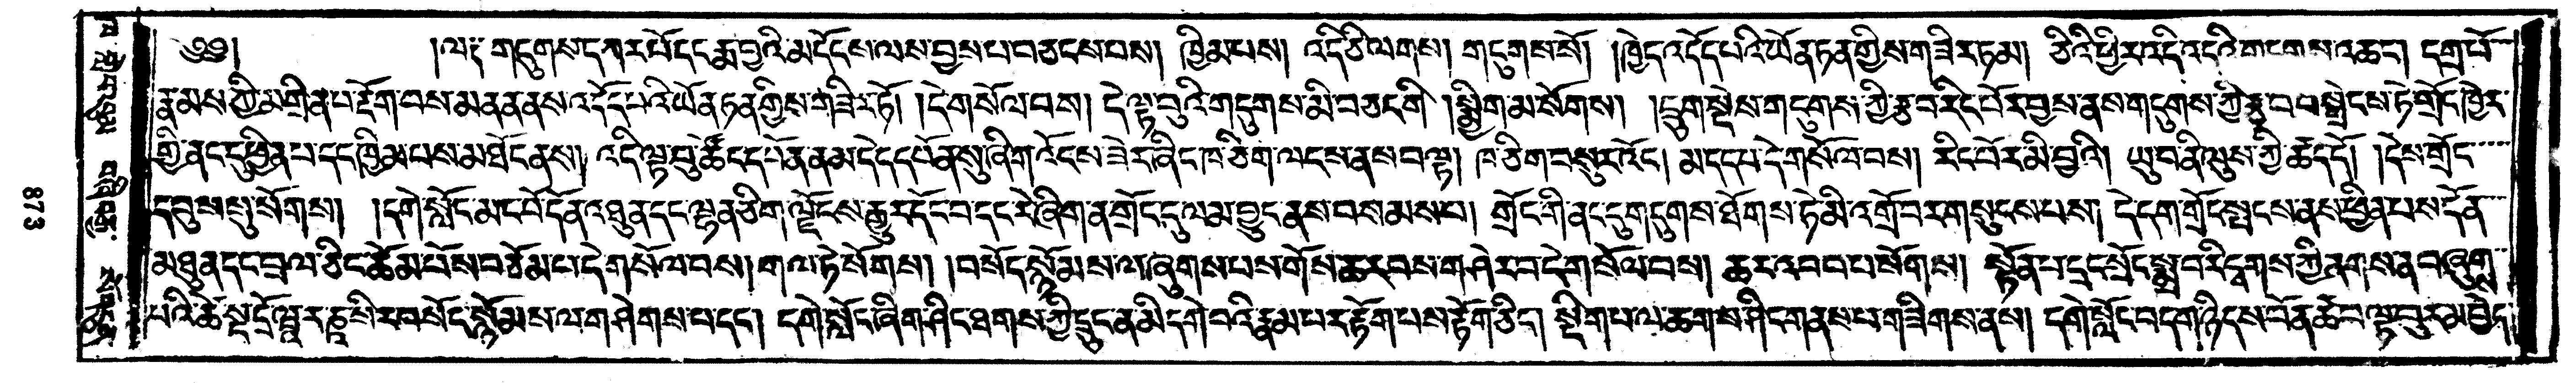༄༅། །ལ༑ གདུགས་དཀར་པོ་དང་རྨ་བྱའི་མདོངས་ལས་བྱས་པ་བཅངས་པས། ཁྱིམ་པས། འདི་ཅི་ལགས། གདུགས་སོ། །ཁྱེད་འདོད་པའི་ཡོན་ཏན་གྱིས་གཟིར་ཏམ། ཅིའི་ཕྱིར་འདི་འདྲའི་གདགས་འཆང་། དགྲ་པོ་
རྣམས་ཀྱི་མགྲིན་པ་རྡོག་བས་མནན་ནས་འདོད་པའི་ཡོན་ཏན་གྱིས་གཟིར་ཏོ། །དེ་གསོལ་བས། དེ་ལྟ་བུའི་གདུགས་མི་བཅང་གི །སྨྱིག་མ་སོགས། །དྲུག་སྡེས་གདུགས་ཀྱི་རྩ་བ་རིང་པོར་བྱས་ནས་གདུགས་ཀྱི་རྩ་བ་བསྒྲེངས་ཏེ་གྲོང་ཁྱེར་
གྱི་ནང་དུ་ཕྱིན་པ་དང་ཁྱིམ་པས་མཐོང་ནས། འདི་ལྟ་བུ་ཚོང་དཔོན་ནམ་དེད་དཔོན་སུ་ཞིག་འོངས་ཟེར་ཞིང་ཁ་ཅིག་ལངས་ནས་བལྟ། ཁ་ཅིག་བསུར་འོང་། མ་དད་པ་དེ་གསོལ་བས། རིང་པོར་མི་བྱའི། ཡུབ་ནི་ལུས་ཀྱི་ཚད་དོ། །དེས་གྲོང་
དབུས་སུ་སོགས། །དགེ་སློང་མང་པོ་དོན་འཐུན་དང་ལྷན་ཅིག་ལྗོངས་རྒྱུར་དོང་བ་དང་རེ་ཞིག་ན་གྲོང་དུ་ལམ་བྱུང་ནས་བསམས་པ། གྲོང་གི་ནང་དུ་གདུགས་ཐོགས་ཏེ་མི་འགྲོ་བར་གསུངས་པས། དེ་དག་གྲོང་སྤངས་ནས་ཕྱིན་པས་དོན་
མཐུན་དང་བྲལ་ཅིང་ཆོམ་པོས་བཅོམ་པ་དེ་གསོལ་བས། གལ་ཏེ་སོགས། །བསོད་སྙོམས་ལ་ཞུགས་པས་གོས་ཆར་བས་གཤེར་བ་དེ་གསོལ་བས། ཆར་འབབ་པ་སོགས། སྟོན་པ་དྲང་སྲོང་སྨྲ་བ་རི་དྭགས་ཀྱི་ནགས་ན་བཞུགས་
པའི་ཚེ་སྔ་དྲོ་ཝཱར་ཎཱ་སིར་བསོད་སྙོམས་ལ་གཤེགས་པ་དང་། དགེ་སློང་ཞིག་ཤིང་ཐགས་ཀྱི་དྲུང་ན་མི་དགེ་བའི་རྣམ་པར་རྟོག་པས་རྟོག་ཅིང་། སྡིག་པ་ལ་ཆགས་ཤིང་གནས་པ་གཟིགས་ནས། དགེ་སློང་བདག་ཉིད་ས་བོན་ཚབ་ལྟ་བུར་མ་བྱེད་